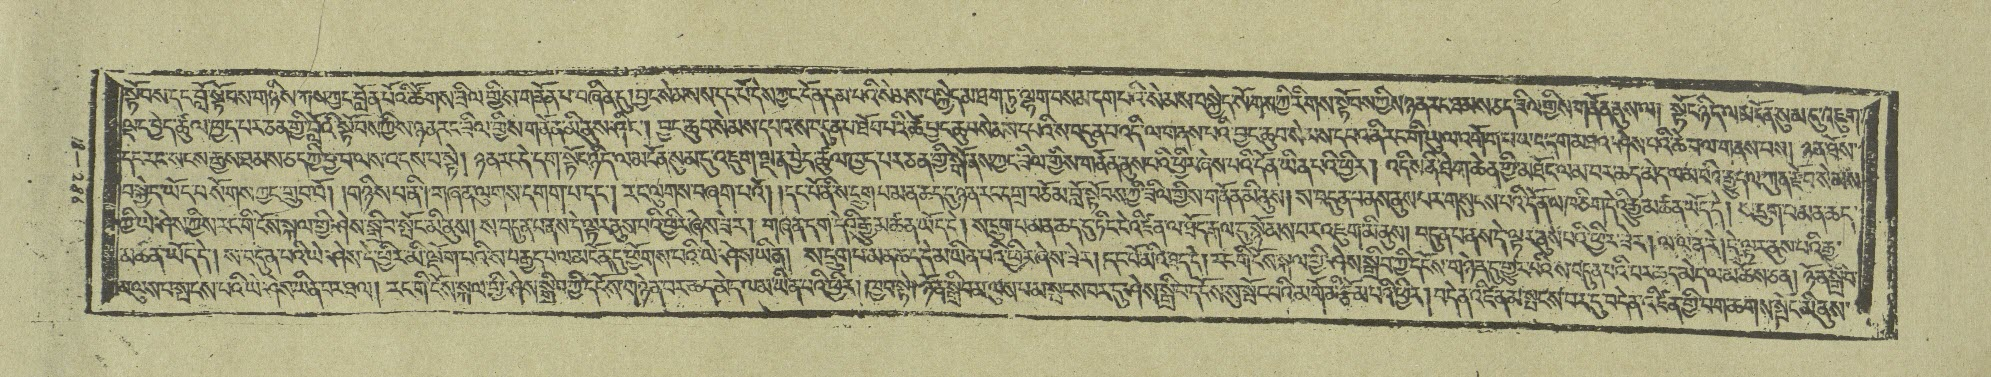སྟོབས་དང་བློ་སྟོབས་གཉིས་ཀས་ཀྱང་བློན་པོའི་ཚོགས་ཟིལ་གྱིས་གནོན་པ་བཞིན་དུ། བྱང་སེམས་དང་པོ་དེས་ཀྱང་དོན་དམ་པའི་སེམས་བསྐྱེད་མ་ཐག་ཏུ་ལྷག་བསམ་དག་པའི་སེམས་བསྐྱེད་སོགས་ཀྱི་རིགས་སྟོབས་ཀྱིས་ཉན་རང་ཐམས་ཅད་ཟིལ་གྱིས་གནོན་ནུས་ལ། སྟོང་ཉིད་ལ་མངོན་སུམ་དུ་འཇུག་
ལྡང་བྱེད་ཚུལ་ཁྱད་པར་ཅན་གྱི་བློའི་སྟོབས་ཀྱིས་ཉན་རང་ཟིལ་གྱིས་གནོན་མི་ནུས་ཤིང་། བྱང་ཆུབ་སེམས་དཔའ་ས་བདུན་པ་ཐོབ་པའི་ཚེ་བྱང་ཆུབ་སེམས་དཔའི་ས་བདུན་པ་འདི་ལ་གནས་པའི་བྱང་ཆུབ་སེམས་དཔའ་ནི་རང་གི་ཡུལ་འགོག་པ་ཡང་དག་མཐའ་ཤེས་པའི་ཆེ་བ་ལ་གནས་པས། ཉན་ཐོས་
དང་རང་སངས་རྒྱས་ཐམས་ཅད་ཀྱི་བྱ་བ་ལས་འདས་པ་སྟེ། ཉན་རང་དེ་དག་སྟོང་ཉིད་ལ་མངོན་སུམ་དུ་འཇུག་ལྡན་བྱེད་ཚུལ་ཁྱད་པར་ཅན་གྱི་སྒོ་ནས་ཀྱང་ཟིལ་གྱིས་གནོན་ནུས་པའི་ཕྱིར་ཞེས་པའི་དོན་ཡིན་པའི་ཕྱིར། འདིས་ནི་ཐེག་ཆེན་གྱི་མཐོང་ལམ་བར་ཆད་མེད་ལམ་པའི་རྒྱུད་ལ་ཀུན་རྫོབ་སེམས་
བསྐྱེད་ཡོད་པ་སོགས་ཀྱང་གྲུབ་བོ། །གཉིས་པ་ནི། གཞན་ལུགས་དགག་པ་དང་། རང་ལུགས་བཞག་པའོ། །དང་པོ་ནི་ས་དྲུག་པ་མན་ཆད་དུ་ཉན་རང་དགྲ་བཅོམ་བློ་སྟོབས་ཀྱི་ཟིལ་གྱིས་གནོན་མི་ནུས། ས་བདུན་པ་ནས་ནུས་པར་གསུངས་པའི་དོན་ལ་ཁ་ཅིག་དེའི་རྒྱུ་མཚན་ཡོད་དེ། ས་དྲུག་པ་མན་ཆད་
ཀྱི་ཡེ་ཤེས་ཀྱིས་རང་གི་ངོས་སྐལ་གྱི་ཤེས་སྒྲིབ་སྤོང་མི་ནུས། ས་བདུན་པ་ནས་དེ་ལྟར་ནུས་པའི་ཕྱིར་ཞེས་ཟེར། གཞན་དག་དེའི་རྒྱུ་མཚན་ཡོད་དེ། ས་དྲུག་པ་མན་ཆད་དུ་ཏིང་ངེ་འཛིན་ལ་ཐོད་རྒལ་དུ་སྙོམས་པར་འཇུག་མི་ནུས། བདུན་པ་ནས་དེ་ལྟར་ནུས་པའི་ཕྱིར་ཟེར། ལ་ལ་ན་རེ། དེ་ལྟར་ནུས་པའི་རྒྱུ་
མཚན་ཡོད་དེ། ས་བདུན་པའི་ཡེ་ཤེས་དེ་ཕྱིར་མི་ལྡོག་པའི་ས་བརྒྱད་པ་ལ་མངོན་དུ་ཕྱོགས་པའི་ཡེ་ཤེས་ཡིན། ས་དྲུག་པ་མན་ཆད་དེ་མ་ཡིན་པའི་ཕྱིར་ཞེས་ཟེར། དང་པོ་མི་འཐད་དེ། རང་གི་ངོས་སྐལ་གྱི་ཤེས་སྒྲིབ་ཀྱི་དངོས་གཉེན་དུ་གྱུར་པའི་ས་བདུན་པའི་བར་ཆད་མེད་ལམ་ཆོས་ཅན། ཉོན་སྒྲིབ་
མ་ལུས་པ་སྤངས་པའི་ཡེ་ཤེས་ཡིན་པར་ཐལ། རང་གི་ངོས་སྐལ་གྱི་ཤེས་སྒྲིབ་ཀྱི་དངོས་གཉེན་བར་ཆད་མེད་ལམ་ཡིན་པའི་ཕྱིར། ཁྱབ་སྟེ། ཉོན་སྒྲིབ་མ་ལུས་པ་མ་སྤངས་བར་དུ་ཤེས་སྒྲིབ་དངོས་སུ་སྤོང་བའི་མགོ་མི་རྩོམ་པའི་ཕྱིར། བདེན་འཛིན་མ་སྤངས་པར་དུ་བདེན་འཛིན་གྱི་བག་ཆགས་སྤོང་མི་ནུས་